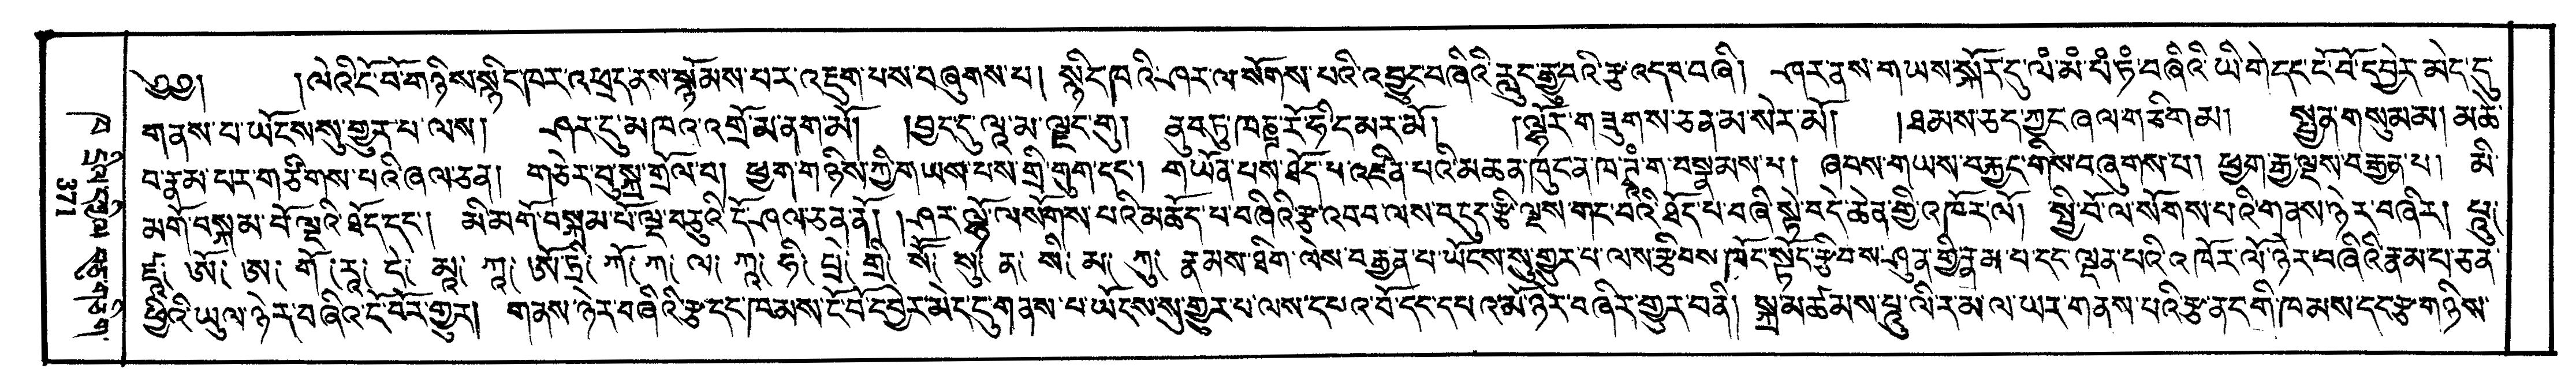༄༅། །ལེའི་ངོ་བོ་གཉིས་སྙིང་ཁར་འཕྲད་ནས་སྙོམས་པར་འཇུག་པས་བཞུགས་པ། སྙིང་ཁའི་ཤར་ལ་སོགས་པའི་འབྱུང་བཞིའི་རླུང་རྒྱུ་བའི་རྩ་འདབ་བཞི། ཤར་ནས་གཡས་སྐོར་དུ་ལཾ་མཾ་པཾ་ཏཾ་བཞིའི་ཡི་གེ་དང་ངོ་བོ་དབྱེར་མེད་དུ་
གནས་པ་ཡོངས་སུ་གྱུར་པ་ལས། ཤར་དུ་མཁའ་འགྲོ་མ་ནག་མོ། །བྱང་དུ་ལཱ་མ་ལྗང་གུ། ནུབ་ཏུ་ཁཎྜ་རོ་ཧི་དམར་མོ། །ལྷོར་གཟུགས་ཅན་མ་སེར་མོ། །ཐམས་ཅད་ཀྱང་ཞལ་གཅིག་མ། སྤྱན་གསུམ་མ། མཆེ་
བ་རྣམ་པར་གཙིགས་པའི་ཞལ་ཅན། གཅེར་བུ་སྐྲ་གྲོལ་བ། ཕྱག་གཉིས་ཀྱི་གཡས་པས་གྲི་གུག་དང་། གཡོན་བས་ཐོད་པ་འཛིན་པའི་མཆན་ཁུང་ན་ཁ་ཊྭཱཾ་ག་བསྣམས་བ། ཞབས་གཡས་བརྐྱང་གིས་བཞུགས་པ། ཕྱག་རྒྱ་ལྔས་བརྒྱན་པ། མི་
མགོ་བསྐམ་པོ་ལྔའི་ཐོད་དང་། མི་མགོ་བསྐམ་པོ་ལྔ་བཅུའི་དོ་ཤལ་ཅན་ནོ། །ཤར་ལྷོ་ལ་སོགས་པའི་མཆོད་པ་བཞིའི་རྩ་འདབ་ལས་བདུད་རྩི་ལྔས་གང་བའི་ཐོད་པ་བཞི་སྟེ་བདེ་ཆེན་གྱི་འཁོར་ལོ། སྤྱི་བོ་ལ་སོགས་པའི་གནས་ཉེར་བཞིར། པཱུ༑
ཛཱ༑ ཨོ༑ ཨ༑ གོ༑ རཱ༑ དེ༑ མཱ༑ ཀཱ༑ ཨོ༑ ཏྲི༑ ཀོ༑ ཀ༑ ལ༑ ཀཱ༑ ཧི༑ པྲེ༑ གྲི༑ སཽ༑ སུ༑ ན༑ སི༑ མ༑ ཀུ༑ རྣམས་ཐིག་ལེས་བརྒྱན་པ་ཡོངས་སུ་གྱུར་པ་ལས་རྩིབས་ཁོང་སྟོང་རྩིབས་ཤུན་གྱི་རྣམ་པ་དང་ལྡན་པའི་འཁོར་ལོ་ཉེར་བཞིའི་རྣམ་པ་ཅན་
ཕྱིའི་ཡུལ་ཉེར་བཞིའི་ངོ་བོར་གྱུར། གནས་ཉེར་བཞིའི་རྩ་དང་ཁམས་ངོ་བོ་དབྱེར་མེད་དུ་གནས་པ་ཡོངས་སུ་གྱུར་པ་ལས་དཔའ་བོ་དང་དཔའ་མོ་ཉེར་བཞིར་གྱུར་པ་ནི། སྐྲ་མཚམས་པཱུ་ལིར་མ་ལ་ཡར་གནས་པའི་རྩ་ནང་གི་ཁམས་དང་རྩ་གཉིས་